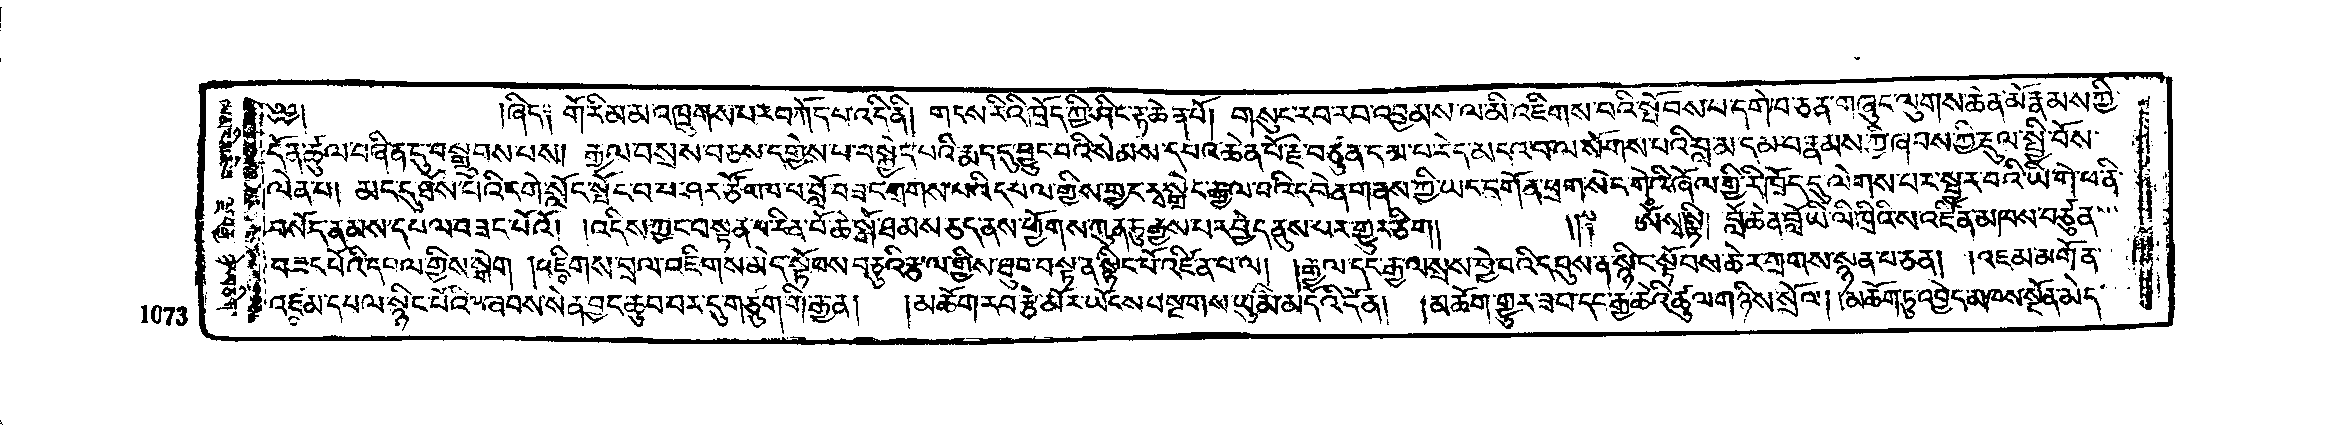༄༅། །ཞིང༑ གོ་རིམ་མ་འཁྲུགས་པར་བཀོད་པ་འདི་ནི། གངས་རིའི་ཁྲོད་ཀྱི་ཤིང་རྟ་ཆེན་པོ། གསུང་རབ་རབ་འབྱམས་ལ་མི་འཇིགས་པའི་སྤོབས་པ་དགེ་བ་ཅན་གཞུང་ལུགས་ཆེན་མོ་རྣམས་ཀྱི་
དོན་ཚུལ་བཞིན་དུ་བསྒྲུབས་པས། རྒྱལ་བ་སྲས་བཅས་དགྱེས་པ་བསྐྱེད་པའི་རྨད་དུ་བྱུང་བའི་སེམས་དཔའ་ཆེན་པོ་རྗེ་བཙུན་དམ་པ་རེད་མདའ་པ་ལ་སོགས་པའི་བླ་མ་དམ་པ་རྣམས་ཀྱི་ཞབས་ཀྱི་རྡུལ་སྤྱི་བོས་
ལེན་པ། མང་དུ་ཐོས་པའི་དགེ་སློང་སྤོང་བ་པ་ཤར་ཙོང་ཁ་པ་བློ་བཟང་གྲགས་པའི་དཔལ་གྱིས་བྱང་རྭ་སྒྲེང་རྒྱལ་བའི་དབེན་གནས་ཀྱི་ཡང་དགོན་བྲག་སེང་གེའི་ཞོལ་གྱི་རི་ཁྲོད་དུ་ལེགས་པར་སྦྱར་བའི་ཡི་གེ་པ་ནི་
བསོད་ནམས་དཔལ་བཟང་པོའོ། །འདིས་ཀྱང་བསྟན་པ་རིན་པོ་ཆེ་སྒོ་ཐམས་ཅད་ནས་ཕྱོགས་ཀུན་ཏུ་རྒྱས་པར་བྱེད་ནུས་པར་གྱུར་ཅིག། །། ༈ ཨོཾ་སྭ་སྟི། བློ་ཆེན་བློ་ཡི་ལི་ཁྲིའི་ས་འཛིན་མཁས་བཙུན་
བཟང་པོའི་དཔལ་གྱིས་སྒེག །འཇིགས་བྲལ་འཇིགས་མེད་སྟོབས་བཅུའི་རྩལ་གྱིས་ཐུབ་བསྟན་སྙིང་པོ་འཛིན་པ་ལ། །རྒྱལ་དང་རྒྱལ་སྲས་བྱེ་བའི་དབུས་ན་སྙིང་སྟོབས་ཆེར་གྲགས་སྙན་པ་ཅན། །འཇམ་མགོན་
འཇམ་དཔལ་སྙིང་པོའི་ཞབས་སེན་བྱང་ཆུབ་བར་དུ་གཙུག་གི་རྒྱན། །མཆོག་རབ་རྩེ་མོར་ཡོངས་བསྔགས་ཡུམ་མདོའི་དོན། །མཆོག་གྱུར་ཟབ་དང་རྒྱ་ཆེའི་ཚུལ་གཉིས་སྲོལ། །མཆོག་ཏུ་འབྱེད་མཁས་སྔོན་མེད་